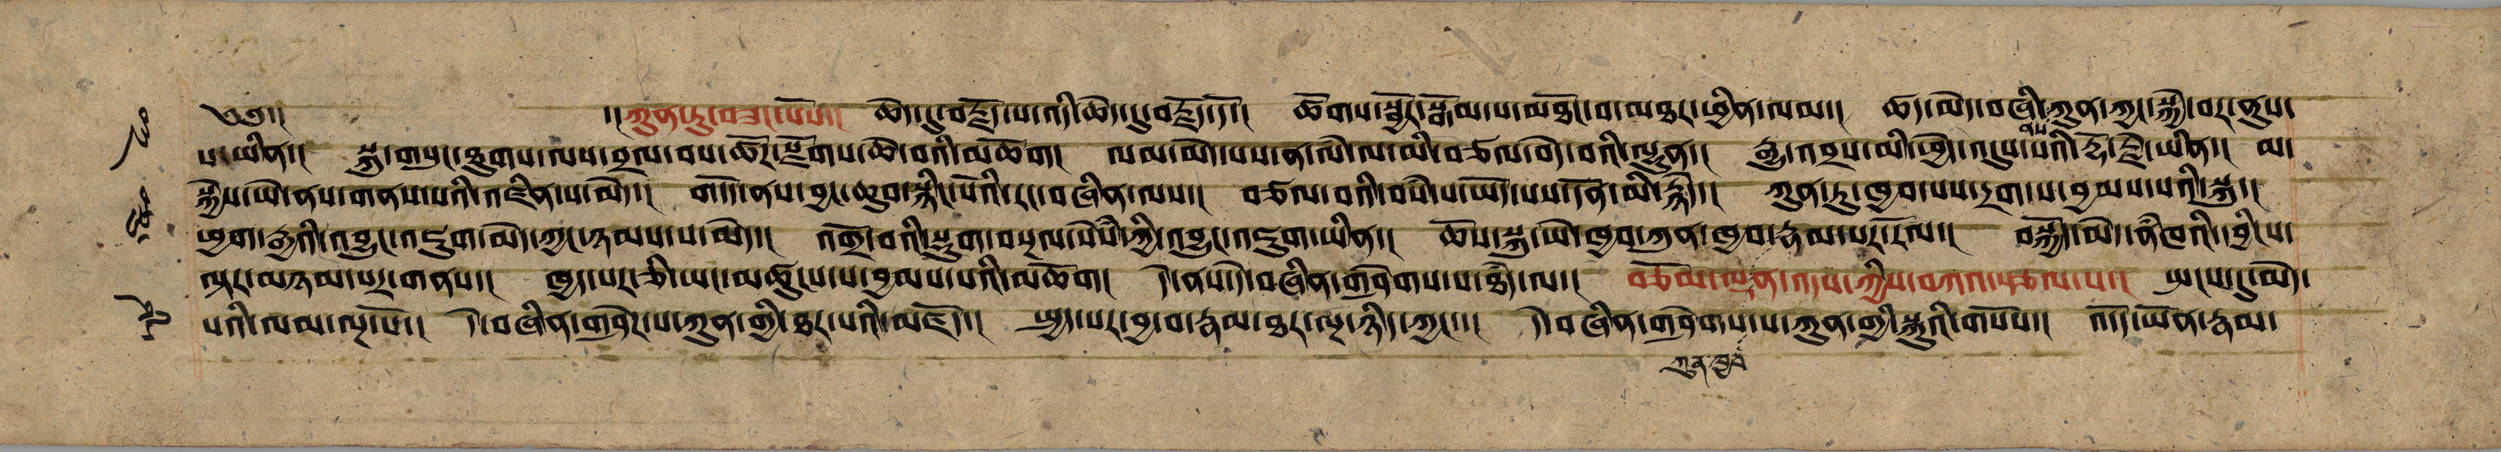༄༅་། ་།ཀུན་ཏུ་བཟང་པོས་། ཆེད་དུ་བརྗོད་པ་འདི་ཆེད་དུ་བརྗོད་དོ་། ཚོགས་སྦྱོར་སྒོམ་པ་མཐོང་བ་མཐར་ཕྱིན་ལམ་། ཚད་མེད་བཞི་ནས་ཀུན་ཀྱང་སྐྱེ་བར་ནུས་
པ་ཡིན་། སྐུ་གསུང་ཐུགས་ལས་བྲལ་བས་ཚོཌ་སྫོགས་ཆེ་བའི་མཆོག། ལན་མེད་པས་ན་ལཾ་ལ་མི་བཙལ་བདེ་བའི་ལྷུན་། རྒྱུ་འབྲས་མི་ཕྱེད་འདུས་པའི་རྡོ་རྗེ་ཡིན་། མ་
སྐྱེས་ཡེ་ནས་གནས་པའི་འཛིན་པ་མེད་། གདོད་ནས་བྱང་ཆུབ་སྙིང་པོའི་རང་བཞིན་ལས་། བཙལ་བའི་བསཾ་པ་ཡོད་པས་དོན་མི་རྙེད་། ཀུན་ཏུ་ཁྱབ་པས་དྲག་པ་བྱམས་པའི་སྐུ་།
ཕྱག་རྒྱའི་འབྱུང་འཇུག་མེད་ཀྱང་ཉམས་པ་མེད་། འགྲོ་བའི་སྡུག་བསྔལ་སེཾས་ཀྱི་འབྱུང་འཇུག་ཡིན་། ཆོས་སྐུ་ཡེ་ཁྱབ་ཀུན་ཁྱབ་རྣམ་པར་རོལ་། བསྐྱོད་མེད་ནཾཁའི་དབྱིངས་
ལྟར་མཉམ་པར་གནས་། ཁྱད་པར་ཅི་ཡང་མཚུངས་བ་བྱམས་པའི་མཆོག། དེ་ནས་དེ་བཞིན་གཤེགས་པ་ཐཾད་ལ་། བཅོམ་ལྡན་འདས་ཀྱིས་བཀའ་སྩལ་པ་། སྤངས་དུ་མེད་
པའི་ལམ་ལྔ་པོ་། དེ་བཞིན་གཤེཌ་པ་ཀུནགྱི་ཐར་པའི་མཛོད་། སྤྱད་པར་བྱ་བ་རྣམ་ཐར་ལྔ་ཉིད་ཀྱང་་། དེ་བཞིན་གཤེགས་པ་ཀུན་གྱི་སྐུའི་གསོས་། འདོད་ཡོན་རྣམ་